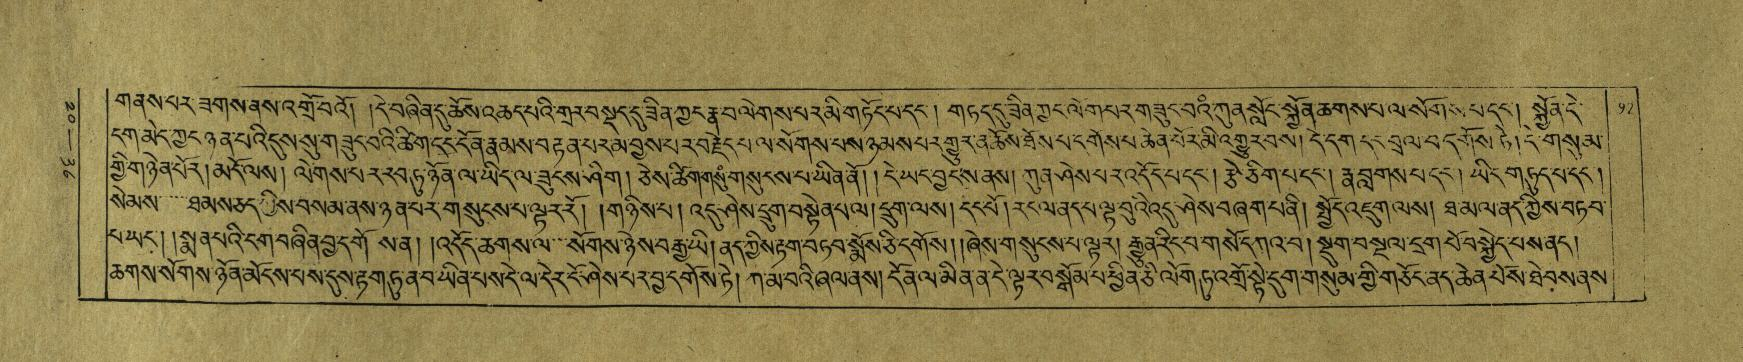གནས་པར་ཟགས་ནས་འགྲོ་བའོ། །དེ་བཞིན་དུ་ཆོས་འཆད་པའི་གྲར་བསྡད་དུ་ཟིན་ཀྱང་རྣ་བ་ལེགས་པར་མི་གཏོད་པ་དང་། གཏད་དུ་ཟིན་ཀྱང་ལོག་པར་གཟུང་བའཾ་ཀུན་སློང་སྐྱོན་ཆགས་པ་ལ་སོགས་པ་དང་། སྐྱོན་དེ་
དག་མེད་ཀྱང་ཉན་པའི་དུས་སུ་གཟུང་བའི་ཚིག་དང་དོན་རྣམས་བརྟན་པར་མ་བྱས་པར་བརྗེད་པ་ལ་སོགས་པས་ཉམས་པར་གྱུར་ན་ཆོས་ཐོས་པ་དགོས་པ་ཆེན་པོར་མི་འགྱུར་བས། དེ་དག་དང་བྲལ་བ་དགོས་ཏེ། དེ་གསུམ་
གྱི་གཉེན་པོར། མདོ་ལས། ལེགས་པར་རབ་ཏུ་ཉོན་ལ་ཡིད་ལ་ཟུངས་ཤིག །ཅེས་ཚིག་གསུཾ་གསུངས་པ་ཡིན་ནོ། །དེ་ཡང་བྱང་ས་ནས། ཀུན་ཤེས་པར་འདོད་པ་དང་། རྩེ་ཅིག་པ་དང་། རྣ་བླགས་པ་དང་། ཡིད་གཏུད་པ་དང་།
སེམས་ཐམས་ཅད་ཀྱིས་བསམ་ནས་ཉན་པར་གསུངས་པ་ལྟར་རོ། །གཉིས་པ། འདུ་ཤེས་དྲུག་བསྟེན་པ་ལ། དྲུག་ལས། དང་པོ། རང་ལ་ནད་པ་ལྟ་བུའི་འདུ་ཤེས་བཞག་པ་ནི། སྤྱོད་འཇུག་ལས། ཐ་མལ་ནད་ཀྱིས་བཏབ་
པ་ཡང་། །སྨན་པའི་ངག་བཞིན་བྱ་དགོས་ན། །འདོད་ཆགས་ལ་སོགས་ཉེས་བརྒྱ་ཡི། ནད་ཀྱིས་རྟག་བཏབ་སྨོས་ཅི་དགོས། །ཞེས་གསུངས་པ་ལྟར། རྒྱུན་རིང་བ་གསོ་དཀའ་བ། སྡུག་བསྔལ་དྲག་པོ་བསྐྱེད་པས་ནད།
ཆགས་སོགས་ཉོན་མོངས་པས་དུས་རྟག་ཏུ་ན་བ་ཡིན་པས་དེ་ལ་དེར་ངོ་ཤེས་པར་བྱ་དགོས་ཏེ། ཀ་མ་བའི་ཞལ་ནས། དོན་ལ་མིན་ན་དེ་ལྟར་བསྒོམ་པ་ཕྱིན་ཅི་ལོག་ཏུ་འགྲོ་སྟེ་དུག་གསུམ་གྱི་གཅོང་ནད་ཆེན་པོས་ཐེབས་ནས་